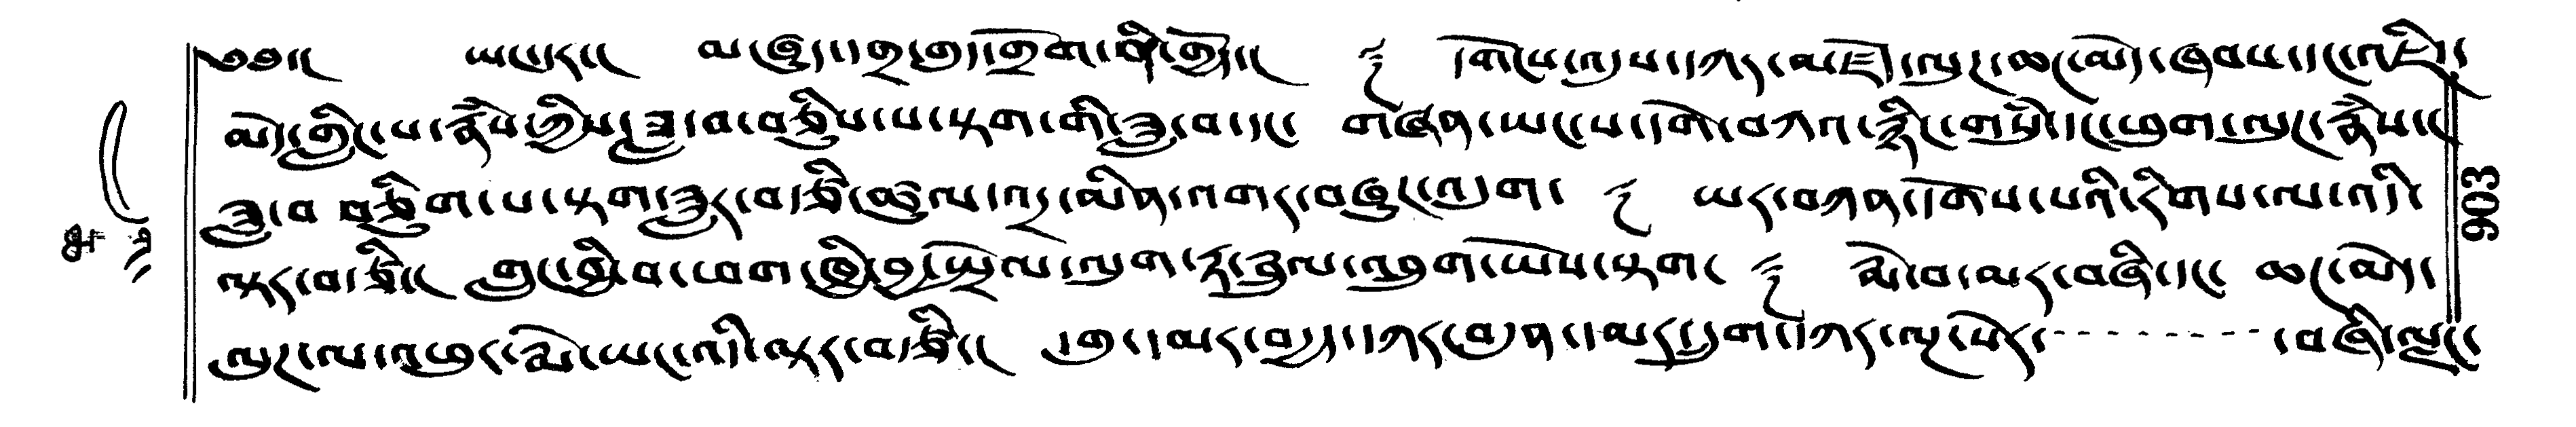ཡང་དར། །མ་ཞུད་དགྲ་གུད་གྲོགས་ནི་གྱོད། ༈ དགོངས་འདུས་དཀར་མཛོད་ལུགས་ཆགས་མེད་ཞབས་དང་འཇིགས་
མེད་གླིང་པ་རྣམས་ཀྱི་ཟླ་བ་བཅུ་གཉིས་པ་སྟག་གི་ཟླ་བ་དང་། གཞན་ཡང་ས་དགེ་བཀའ་རྙིང་གསུམ་དང་ཕུག་ལུགས་རྣམས།
ཟླ་བ་བཅུ་གཅིག་པ་སྟག་ཟླར་བརྩི་ཚུལ་འདྲ་མིན་འགར་བཞུགས་འདུག། ༈ ཡར་བཀན་དགོས་པའི་རིགས་ལ་འདི་
ལྟར་བ་བརྩི། གླང་། བྱི་བ། ཕག ཁྱི། བྱ། སྤྲེལ། ལུག རྟ། སྦྲུལ། འབྲུག ཡོས། སྟག ༈ སྨེ་བ་མར་བཞི་དང་། ཆགས་མེད་
ལུགས་ལ་འཕུར་སྨེ་ཡང་འདི་ལྟར་བརྩི། དགུ་དམར། བརྒྱད་དཀར། བདུན་དམར། དྲུག་དཀར། ལྔ་སེར། བཞི་ལྗང་།